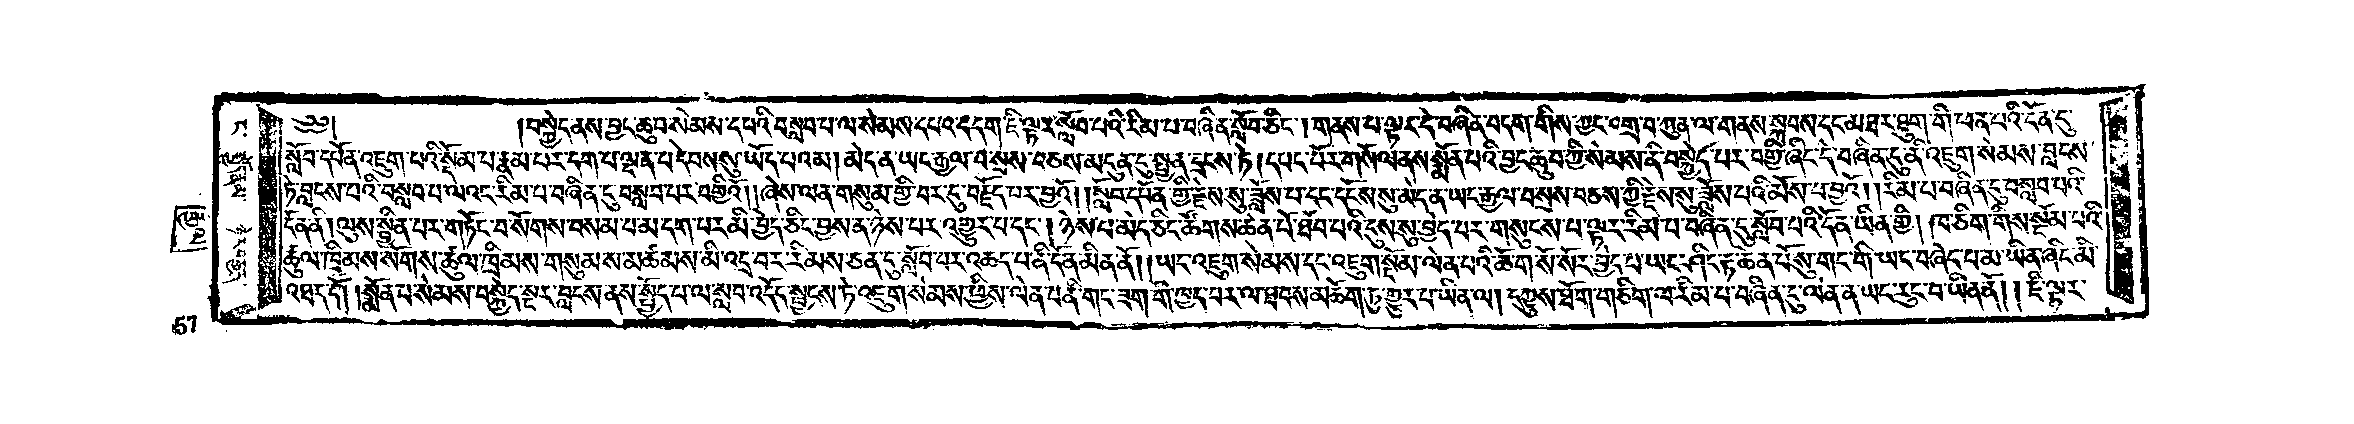༄༅། །བསྐྱེད་ནས་བྱང་ཆུབ་སེམས་དཔའི་བསླབ་པ་ལ་སེམས་དཔའ་དེ་དག་ཇི་ལྟར་སློབ་པའི་རིམ་པ་བཞིན་སློབ་ཅིང་། གནས་པ་ལྟར་དེ་བཞིན་བདག་གིས་ཀྱང་འགྲོ་བ་ཀུན་ལ་གནས་སྐབས་དང་མཐར་ཐུག་གི་ཕན་པའི་དོན་དུ་
སློབ་དཔོན་འཇུག་པའི་སྡོམ་པ་རྣམ་པར་དག་པ་ལྡན་པ་དེབས་སུ་ཡོད་པའམ་མེད་ན་ཡང་རྒྱལ་བ་སྲས་བཅས་མདུན་དུ་སྤྱན་དྲངས་ཏེ། དབང་པོར་གསོལ་ནས་སྨོན་པའི་བྱང་ཆུབ་ཀྱི་སེམས་ནི་བསྐྱེད་པར་བགྱི་ཞིང་དེ་བཞིན་དུ་ནི་འཇུག་སེམས་བླངས་
ཏེ་བླངས་པའི་བསླབ་པ་ལའང་རིམ་པ་བཞིན་དུ་བསླབ་པར་བགྱིའོ། །ཞེས་ལན་གསུམ་གྱི་བར་དུ་བརྗོད་པར་བྱའོ། །སློབ་དཔོན་གྱི་རྗེས་སུ་ཟློས་པ་དང་དངོས་སུ་མེད་ན་ཡང་རྒྱལ་བ་སྲས་བཅས་ཀྱི་རྗེས་སུ་ཟློས་པའི་མོས་པ་བྱའོ། །རིམ་པ་བཞིན་དུ་བསླབ་པའི་
དོན་ནི། ལུས་སྦྱིན་པར་གཏོང་བ་སོགས་བསམ་པ་མ་དག་པར་མི་བྱེད་ཅིང་བྱས་ན་ཉེས་པར་འགྱུར་བ་དང་། ཉེས་པ་མེད་ཅིང་ཚོགས་ཆེན་པོ་ཐོབ་པའི་དུས་སུ་བྱེད་པར་གསུངས་པ་ལྟར་རིམ་པ་བཞིན་དུ་སློབ་པའི་དོན་ཡིན་གྱི་།ཁ་ཅིག་གི་སྡོམ་པའི་
ཚུལ་ཁྲིམས་སོགས་ཚུལ་ཁྲིམས་གསུམ་ས་མཚམས་མི་འདྲ་བར་རིམས་ཅན་དུ་སློབ་པར་འཆད་པ་ནི་དོན་མིན་ནོ། །ཡང་འཇུག་སེམས་དང་འཇུག་སྡོམ་ལེན་པའི་ཆོ་ག་སོ་སོར་བྱེད་པ་ཡང་ཤིང་རྟ་ཆེན་པོ་སུ་གང་གི་ཡང་བཞེད་པ་མ་ཡིན་ཞིང་མི་
འཐད་དོ། །སྨོན་པ་སེམས་བསྐྱེད་སྔར་བླངས་ནས་སྤྱོད་པ་ལ་སླབ་འདོད་སྦྱངས་ཏེ་འཇུག་སེམས་ཕྱིས་ལེན་པ་ནི་གང་ཟག་གི་ཁྱད་པར་ལ་ཐབས་མཆོག་ཏུ་གྱུར་པ་ཡིན་ལ། དཀྱུས་ཐོག་གཅིག་ལ་རིམ་པ་བཞིན་དུ་ལེན་ན་ཡང་རུང་བ་ཡིན་ནོ། །ཇི་ལྟར་